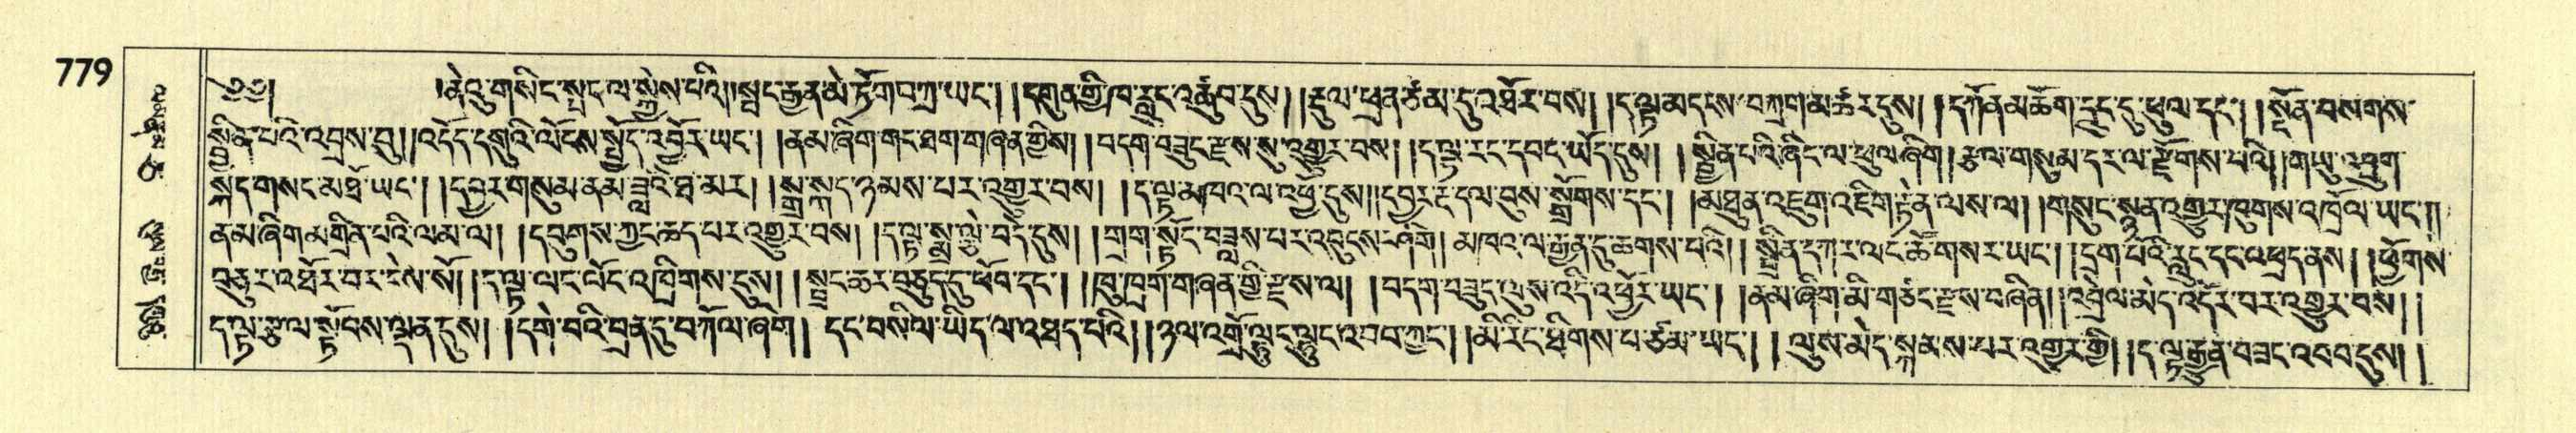༄༅། །ནེའུ་གསིང་སྤང་ལ་སྐྱེས་པའི། །སྤང་རྒྱན་མེ་ཏོག་བཀྲ་ཡང་། །དགུན་གྱི་ཁ་རླུང་འཚུབ་དུས། །རྡུལ་ཕྲན་ཙམ་དུ་འཐོར་བས། །ད་ལྟ་མདངས་བ་ཀྲག་མཚར་དུས། །དཀོན་མཆོག་དྲུང་དུ་ཕུལ་དང་། །སྔོན་བསགས་
སྦྱིན་པའི་འབྲས་བུ། །འདོད་དགུའི་ལོངས་སྤྱོད་འབྱོར་ཡང་། །ནམ་ཞིག་གང་ཐག་གཞན་གྱིས། །བདག་བཟུང་རྫས་སུ་འགྱུར་བས། །ད་ལྟ་རང་དབང་ཡོད་དུས། །སྦྱིན་པའི་ཞིང་ལ་ཕུལ་ཞིག། རྩལ་གསུམ་དར་ལ་རྫོགས་པའི། །གཡུ་འབྲུག་
སྐད་གསང་མཐོ་ཡང་། །དབྱར་གསུམ་ནམ་ཟླའི་ཐ་མར། །སྒྲ་སྐད་ཉམས་པར་འགྱུར་བས། །ད་ལྟ་མཁའ་ལ་འཕྱོ་དུས། །དབྱར་རྡོ་དལ་བུས་སྒྲོགས་དང་། །མཐུན་འཇུག་འཇིག་རྟེན་ལས་ལ། །གསུང་སྙན་འགྱུར་ཁུགས་འཁྲོལ་ཡང་། །
ནམ་ཞིག་མགྲིན་པའི་ལམ་ལ། །དབུགས་ཀྱང་ཆད་པར་འགྱུར་བས། །ད་ལྟ་སྨྲ་ལྕེ་བདེ་དུས། །གྲག་སྟོང་བཟླས་པར་འབུངས་ཤིག། མཁའ་ལ་རྒྱན་དུ་ཆགས་པའི། །སྤྲིན་དཀར་ལང་ཆོ་གསར་ཡང་། །དྲག་པོའི་རླུང་དང་འཕྲད་ནས། །ཕྱོགས་
བཅུར་འཐོར་བར་ངེས་སོ། །ད་ལྟ་ལང་ལོང་འཁྲིགས་དུས། །སྦྲང་ཆར་བཅུད་དུ་ཕོབ་དང་། །ཁུ་ཁྲག་གཞན་གྱི་རྫས་ལ། །བདག་བཟུང་ལུས་འདི་འཕྱོར་ཡང་། །ནམ་ཞིག་མི་གཙང་རྫས་བཞིན། །འབྲེལ་མེད་འདོར་བར་འགྱུར་བས། །
ད་ལྟ་རྩལ་སྟོབས་ལྡན་དུས། །དགེ་བའི་བྲན་དུ་བཀོལ་ཞིག། དང་བསིལ་ཡིད་ལ་འཐད་པའི། །ཉལ་འགྲོ་ལྷུང་ལྷུང་འབབ་ཀྱང་། །མི་རིང་ཐིགས་པ་ཙམ་ཡང་། །ལུས་མེད་སྐམས་པར་འགྱུར་གྱི། །ད་ལྟ་རྒྱུན་བཟང་འབབ་དུས། །